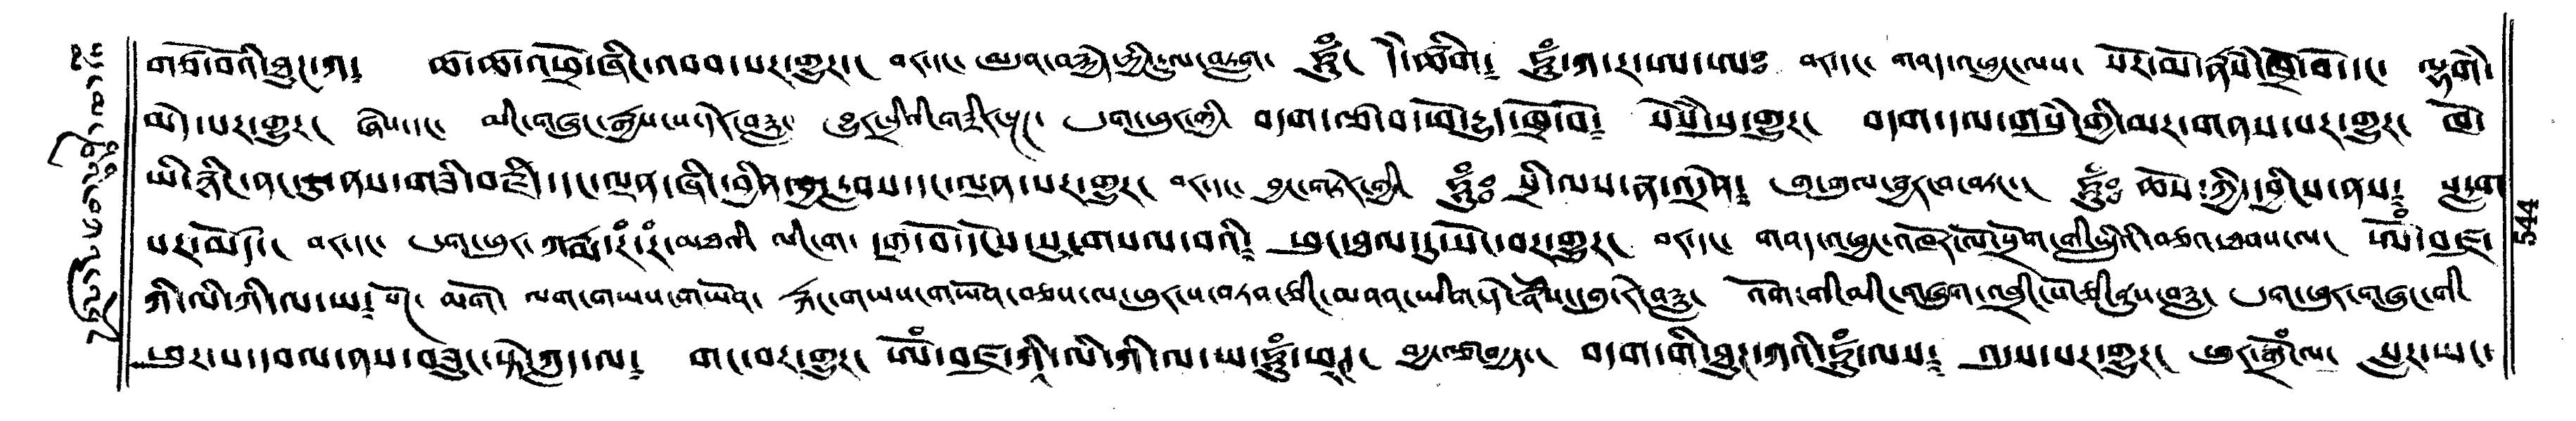གཙོ་བོའི་ཐུགས་ཀ༴ ཚ་ཚ་འཕྲོ་ཞིང་འབབ་པར་གྱུར། བར་དང་། མདུན་བསྐྱེད་ཀྱི་རྡུལ་བརླག ཧཱུཾ༔ དམ་ཚིག༴ ཧཱུྃ་ཀ་ར་ཨ་ཨཿ བར་དང་། གནད་འཕྱང་ལས། སོར་མོ་རྣམས་ཁྲོ་བོ་དང་། ལྷག་མ་
མེད་པར་གྱུར། ཞེས་དང་། མིང་གཞུང་རྒྱས་པ་དེར་བཟླ། བྱུར་སྲིའི་གཟིར་སྔགས། དུག་ཕུར་གྱི། བདག་རྩ་བ་ཕོ་རྒྱུད་ཁྲོ་བོ༴ སེམས་སུ་གྱུར། བདག་དལ་གསུམ་གྱི་མར་གནས་པར་གྱུར། ཁོ་
ཡི་སྙིང་ནང་ནས་གཟི་བརྗིད་དང་ལྡན་ཞིང་བྱིན་རླབས་དང་ལྡན་པར་གྱུར། བར་དང་། བྱང་གཏེར་གྱི། ཧཱུྃ༔ སྲི་ལས་སྣ་འདྲེན༴ གུ་གུལ་སྦྱར་བ་བཏང་།ཧཱུཾཿ ཆོས་ཀྱི་དབྱིངས་ནས༴ བརླག་
པར་མཛོད། བར་དང་། དུག་ཕུར། ཀརྨ་རཾ་རཾ་མཐའི། ལིང་ག དགྲ་བོ་དངོས་སུ་གསལ་བའི༴ ཕུང་ཐལ་དུ་སོང་བར་གྱུར། བར་དང་། གནད་འཕྱང་འཁོར་ལོ་སྲོག་གི་སྤུ་གྲིའི་བཅའ་ཐབས་ལ། ཨོཾ་བཛྲ་
ཀི་ལི་ཀི་ལ་ཡ༴ སོགས། མགོ། ལག་གཡས་གཡོན། རྐང་གཡས་གཡོན་བཅས་ལ་ཕུར་པ་བཏབ་ཅིང་མནན་ཡིག་དེ་རྣམས་དགུ་རེ་བཟླ། འོག་གི་མིང་གཞུག་འབྲིང་པོ་ཅི་ནུས་བཟླ། དུག་ཕུར་གཞུང་གི 
ཕུར་པ་དབལ་ནས་བཟུང་སྟེ་ཀླད་ལ༴ གང་བར་གྱུར། ཨོཾ་བཛྲ་ཀཱི་ལི་ཀ་ལ་ཡ་ཧཱུྃ་ཕཊ། བརྒྱ་རྩ་བརྒྱད། བདག་གི་ཐུགས་ཀའི་ཧཱུྃ་ལས༴ འདུས་པར་གྱུར། ཕུར་སྒྲོམ་ལ། སླར་ཡང་